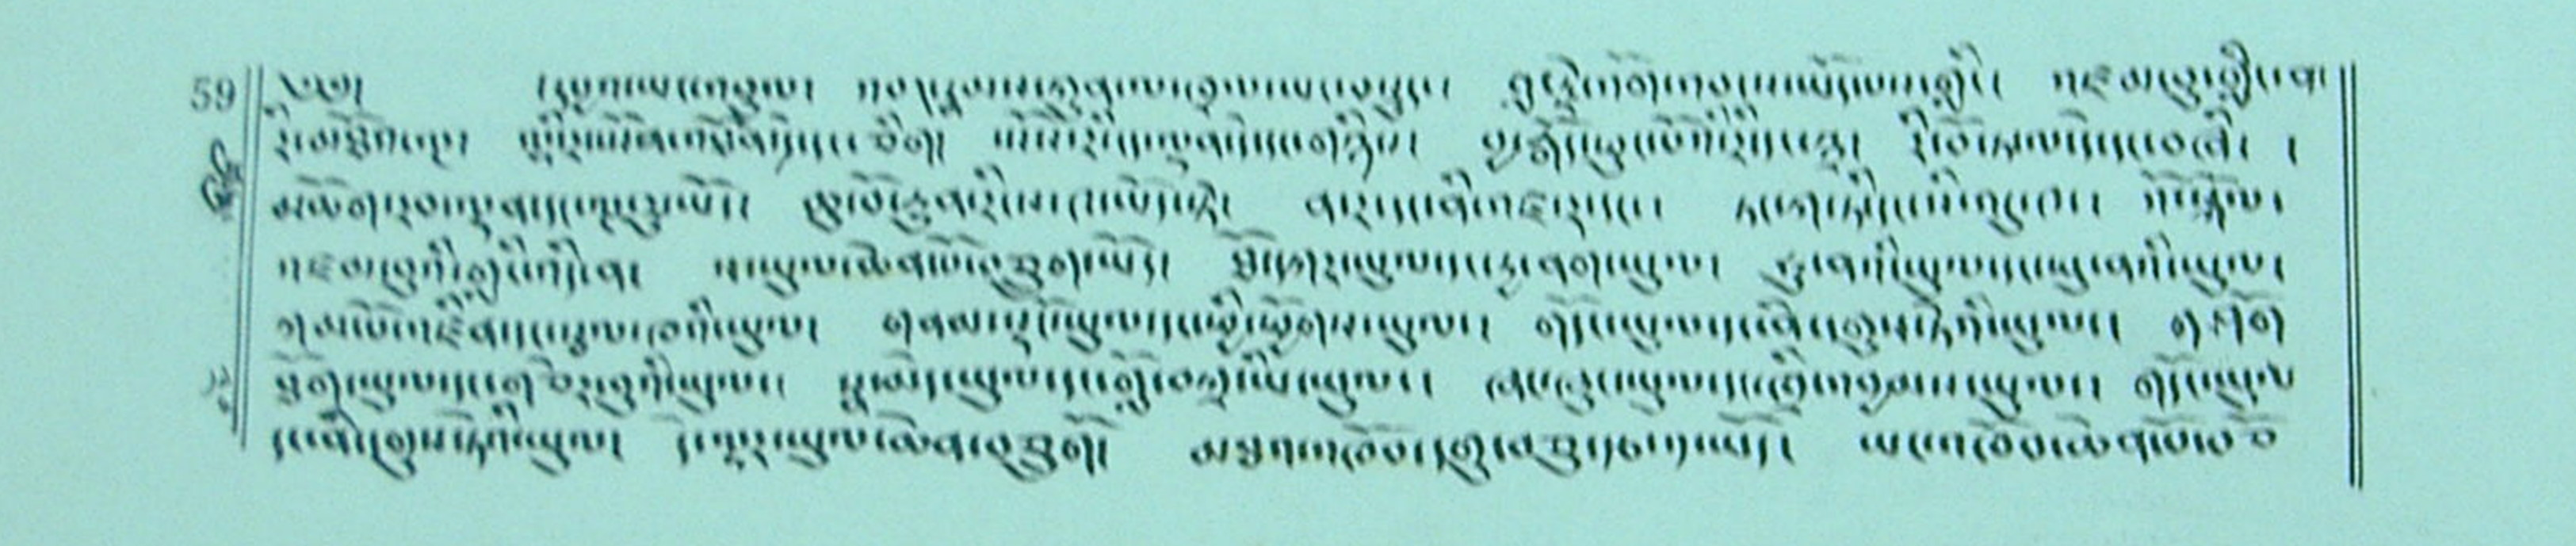༄༅། །དཔྱའ་ཡང་འབུལ། འབངས་རྣམས་ཀུན་ལ་ཁྲལ་ཡང་བསྡུད། བླ་རྗེ་འོག་འབངས་ཡོད་པས་གླིང་། འཛམ་བུའི་གླིང་ལ་
རི་མཐོའ་ལྔ། ལྷ་རི་སྤོས་མཐོན་དེ་དང་གཅིག སྤོས་རི་ངད་ལྡན་དེ་དང་གཉིས། བྱ་རྒོད་ཕུང་བའི་རི་དང་གསུམ། རི་བོ་ཏ་ལ་དེ་དང་བཞི། 
མཆོག་རབ་ལྡན་དང་ལྔ་རུ་ཡོད། ཆུ་བོ་རྒྱུན་རིང་བཞི་ཡོད་དེ། ན་ར་དང་ནི་ཛཱ་ར་དང་། ཏང་ཀ་ཏི་དང་སིནྔྷུ་བཞི། ལོ་སྐོལ་
འཛམ་བུའི་གླིང་འདི་ན། ས་ཡུལ་ཆེན་པོ་བཅུ་དྲུག་ཡོད། ཐོད་དཀར་ཡུལ་དང་རྒྱ་ནག་ཡུལ། ཧུ་ནའི་ཡུལ་དང་ཡུ་ནུའི་ཡུལ། 
ཀམ་པོ་འཛིན་དང་སྦལ་ཁའི་ཡུལ། གནམ་སྡོང་ཡུལ་དང་ཕྱི་ཕྱོགས་ཡུལ། གདོང་ཡུལ་དང་ནི་དགུ་ཏེའི་ཡུལ། གཤོག་
ཐོགས་ཡུལ་དང་གཅེར་བུའི་ཡུལ། སྣ་མེད་ཡུལ་དང་གློ་བཀྲའ་ཡི་ཡུལ། ཞང་ཞུང་ཡུལ་དང་ཁྲི་འབྱམས་ཡུལ། གདོང་ཡུལ་
དང་ནི་དགུས་ཏེའི་ཡུལ། དེ་ལྟར་ཡུལ་ཆེན་བཅུ་དྲུག་གོ། །མཐའ་འཁོབ་དགུ་བཅུ་རྩ་གཅིག་ཡོད། ཡང་འཁོབ་ཆེན་པོ་བཅོ་